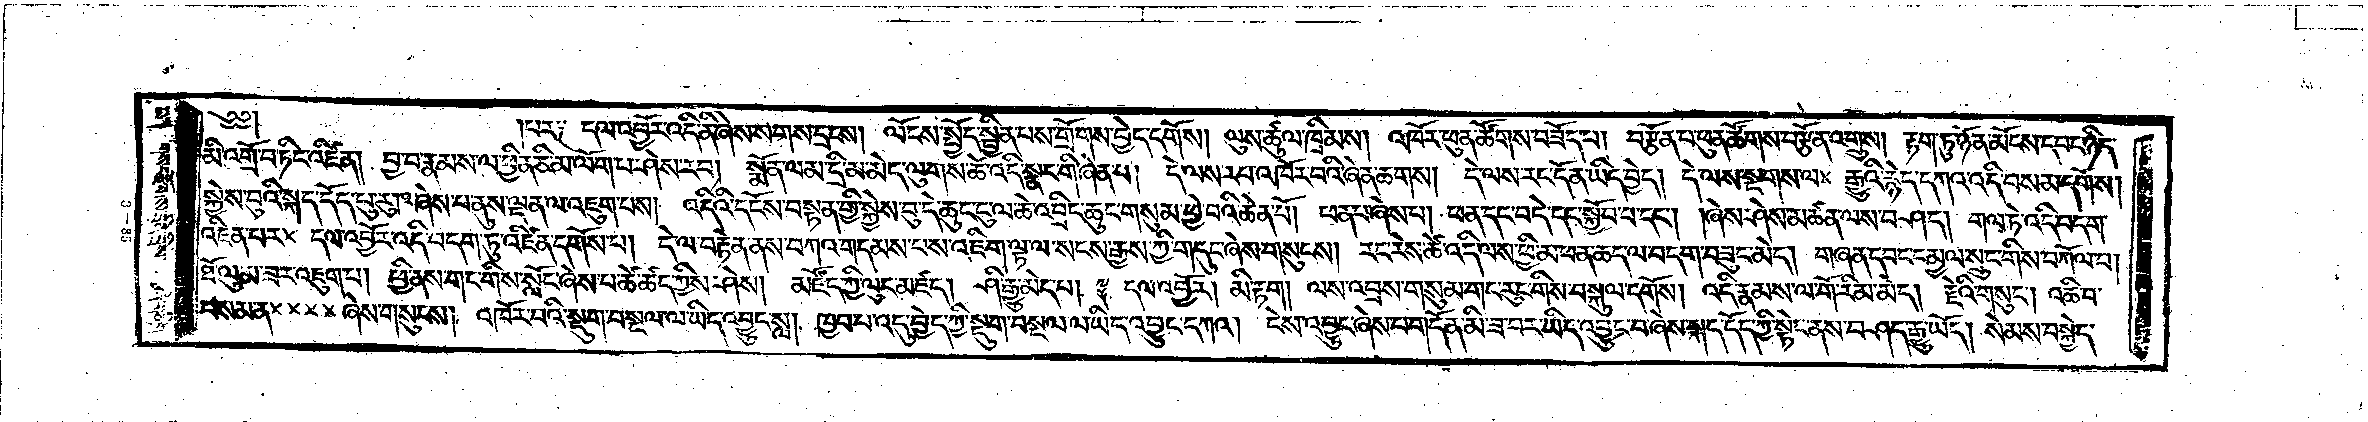༄༅། །པར༑ དལ་འབྱོར་འདི་ནི་ཞེས་སགས་དྲངས། ལོངས་སྤྱོད་སྦྱིན་པས་གྲོགས་བྱེད་དགོས། ལུས་ཚུལ་ཁྲིམས། འཁོར་ཕུན་ཚོགས་བཟོད་པ། བརྩོན་པ་ཕུན་ཚོགས་བརྩོན་འགྲུས། རྟག་ཏུ་ཉོན་མོངས་དབང་ཉིད་
མི་འགྲོ་བ་ཏིང་འཛིན། བྱ་བ་རྣམས་ལ་ཕྱིན་ཅི་མ་ལོག་པ་ཤེས་རབ། སྨོན་ལམ་དྲི་མ་མེད་ལུགས་ཚོ་འདི་སྣང་གི་ཞེན་པ། དེ་ལས་རབ་འཁོར་བའི་ཞེན་ཆགས། དེ་ལས་རང་དོན་ཡིད་བྱེད། དེ་ལས་སྔགས་ལ་྾་རྒྱུའི་རྙེད་དཀའ་འདི་བསམ་དགོས།
སྐྱེས་བུའི་སྐད་དོད་པུ་རུ་ཥ་ཞེས་པ་ནུས་ལྡན་ལ་འཇུག་པས། འདིའི་དངོས་བསྟན་གྱི་སྐྱེས་བུ་དེ་ཆུང་ངུ་ལ་ཆེ་འབྲིང་ཆུང་གསུམ་ཕྱེ་བའི་ཆེན་པོ། ཕན་པ་ཞེས་པ། ཕན་དང་བདེ་དང་སྐྱོབ་པ་དང་། །ཞེས་ཤེས་མཚན་ལས་བཤད། གལ་ཏེ་འདི་བདག་
འཛིན་པར་྾་དལ་འབྱོར་འདི་བདག་ཏུ་འཛིན་དགོས་པ། དེ་ལ་བརྟེན་ནས་བཀའ་གདམས་པས་འཇིག་ལྟ་ལ་སངས་རྒྱས་ཀྱི་གདུང་ཞེས་གསུངས། རང་རེས་ཚེ་འདི་ལས་ཕྱི་མ་ཕན་ཆད་ལ་བདག་བཟུང་མེད། གཞན་དབང་དམྱལ་སྲུང་གིས་བཀོལ་བ།
ཐོ་ལུམ་ཟར་འཇུག་པ། ཕྱི་ནས་གང་གིས་སློང་ཞེས་པ་ཚེ་ཚད་ཀྱིས་ཤེས། མཛོད་ཀྱི་ལུང་མཛད། ཤི་རྒྱུ་མེད་པ། ༈ དལ་འབྱོར། མི་རྟག། ལས་འབྲས་གསུམ་གང་རུང་གིས་བསྐུལ་དགོས། འདི་རྣམས་ལ་གོ་རིམ་མེད། རྗེའི་གསུང་། འཆི་བ་
བསམ་ན་྾་྾་྾་྾་ཞེས་གསུངས། འཁོར་བའི་སྡུག་བསྔལ་ལ་ཡིད་འབྱུང་སླ། ཁྱབ་པ་འདུ་བྱེད་ཀྱི་སྡུག་བསྔལ་ལ་ཡིད་འབྱུང་དཀའ། ངེས་འབྱུང་ཞེས་པ་གདོན་མི་ཟ་བར་ཡིད་འབྱུང་བ་ཞེས་སྐད་དོད་ཀྱི་སྟེང་ནས་བཤད་རྒྱུ་ཡོད། སེམས་བསྐྱེད་